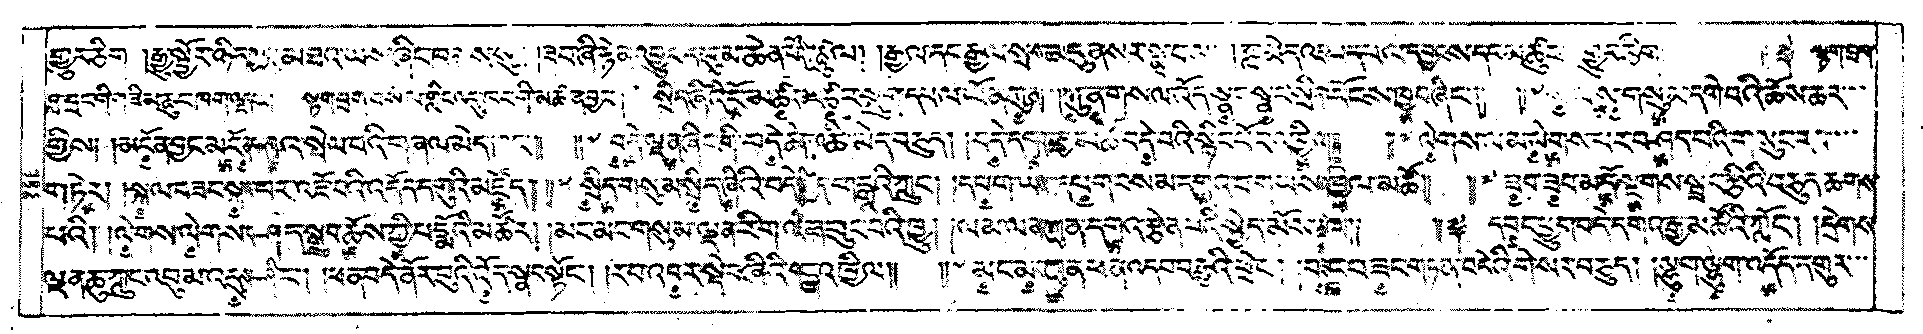གྱུར་ཅིག །རྒྱུ་སྦྱོར་ཉིད་ཀྱང་མཐའ་ཡས་ཞིང་ཁམས་སུ། །ཟབ་ཞི་རྟེན་འབྱུང་དབུ་མ་ཆེན་པོའི་ཚུལ། །རྒྱལ་དང་རྒྱལ་སྲས་མདུན་སར་སྨྲ་བ་ལ། །ཟླ་མེད་འཇམ་དཔལ་དབྱངས་དང་མཚུངས་གྱུར་ཅིག ། །། ༈ སྟག་བྲག་
བླ་བྲང་གི་གཟིམ་ཆུང་ཁག་ལྔ་དང་། སྟག་བྲག་བསམ་གླིང་འདུ་ཁང་གི་མཚན་བྱང་། སྲིད་ཞིའི་ངོ་~྾་མཚར྾་མཚར྾་སྡུག་དཔལ་ཡོན་ཀུན྾། །ཀུན྾་གསལ་འོད་སྣང྾་སྣང྾་སྲིད་ཡོངས་ཁྱབ་~྾་ཞིང།། །།༧་ས྾་ལ་~྾་ས྾་གསུམ་~྾་དགེ་བའི་ཆོས་ཆར་
གྱིས། །མངོན྾་བྱང་~྾་མངོན྾་དགའ་~྾་སྤེལ་བའི་གཞལ་མེད་ཁང།། །། ༧་བདེ྾་~྾་ལྡན་~྾་ཞིང་གི་བདེ྾་ཆེན་འཆི་མེད་བཅུད། །བདེ྾་དགའ་~྾་རྒྱ་མཚོ་བདེ྾་བའི་སྙིང་པོར་འཁྱིལ་~྾།། །།༧་ལེགས྾་ལམ་ལེགས྾་~྾་པར་བཤད་~྾་པའི་གསུང་རབ་
གཏེར་~྾། །སྐལ྾་བཟང་སྐལ྾་བར་འཇོ་བའི་འདོད་དགུའི་མཛོད་~྾།། །། ༧་སྲིད྾་~྾་གསུམ་སྲིད྾་~྾་ཞིའི་བདེ་སྐྱིད་གངྒཱའི་ཀླུང་། །དཔག྾་ཡས་དཔག྾་བསམ་དགའ~྾་བ་གཡས་འཁྱིལ་~྾་མཚོ།། །།༧་ཟབ྾་ཟབ྾་མདོ་~྾་སྔགས་སྦྲང་རྩིའི་བཅུད་ཆགས་
པའི། །ལེགས྾་ལེགས྾་བཤད་སྒྲུབ་ཆོས་~྾་ཀྱི་~྾་པདམོའི་མཚོར། །མང་མང་གསུམ་ལྡན་རིག་འཛིན་བུང་བའི་ཁྱུ། །ལམ་ལམ་ཀུན་དགའ་~྾་རྩེན་པའི་སྐྱེད་མོས་ཚལ་~྾།། །། ༈ དབང྾་ཕྱུག་བདེ་དགའ་རྒྱ་མཚོའི་ཀློང་། །དྲེགས་
ལྡན་ཆུ་ཀླུང་འབུམ་འདུས྾་ཤིང་། །ཕན་བདེ་ནོར་བུའི་འོད྾་སྣང་སྟོང་། །རབ་འབར྾་སྡེ་བཞིའི་གངྒ་འཁྱིལ།། །།༧་མང྾་མང྾་ཀུན་~྾་ཕན་འདབ་བརྒྱའི་ཕྲེང་། །བཟང྾་~྾་བཟང྾་གཏན་བདེའི་གེ་སར་བཅུད། །ལྷུག྾་ལྷུག྾་འདོད~྾་དགུར་